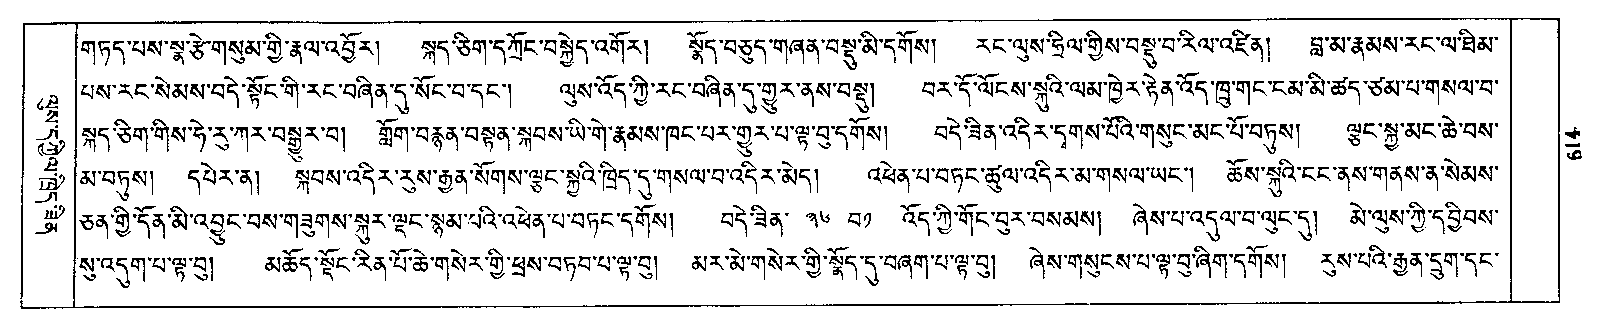གཏད་པས་སྣ་རྩེ་གསུམ་གྱི་རྣལ་འབྱོར། སྐད་ཅིག་དཀྲོང་བསྐྱེད་འགོར། སྣོད་བཅུད་གཞན་བསྡུ་མི་དགོས། རང་ལུས་ཧྲིལ་གྱིས་བསྡུ་བ་རིལ་འཛིན། བླ་མ་རྣམས་རང་ལ་ཐིམ་
པས་རང་སེམས་བདེ་སྟོང་གི་རང་བཞིན་དུ་སོང་བ་དང་། ལུས་འོད་ཀྱི་རང་བཞིན་དུ་གྱུར་ནས་བསྡུ། བར་དོ་ལོངས་སྐུའི་ལམ་ཁྱེར་རྟེན་འོད་ཁྲུ་གང་ངམ་མི་ཚད་ཙམ་པ་གསལ་བ་
སྐད་ཅིག་གིས་ཧེ་རུ་ཀར་བསྒྱུར་བ། གློག་བརྙན་བསྟན་སྐབས་ཡི་གེ་རྣམས་ཁང་པར་གྱུར་པ་ལྟ་བུ་དགོས། བདེ་ཟིན་འདིར་དྭགས་པོའི་གསུང་མང་པོ་བཏུས། ལྕང་སྐྱ་མང་ཆེ་བས་
མ་བཏུས། དཔེར་ན། སྐབས་འདིར་རུས་རྒྱན་སོགས་ལྕང་སྐྱའི་ཁྲིད་དུ་གསལ་བ་འདིར་མེད། འཕེན་པ་བཏང་ཚུལ་འདིར་མ་གསལ་ཡང་། ཆོས་སྐུའི་ངང་ནས་གནས་ན་སེམས་
ཅན་གྱི་དོན་མི་འབྱུང་བས་གཟུགས་སྐུར་ལྡང་སྙམ་པའི་འཕེན་པ་བཏང་དགོས། བདེ་ཟིན ༣༦་བ ༡་འོད་ཀྱི་གོང་བུར་བསམས། ཞེས་པ་འདུལ་བ་ལུང་དུ། མེ་ལུས་ཀྱི་དབྱིབས་
སུ་འདུག་པ་ལྟ་བུ། མཆོད་སྡོང་རིན་པོ་ཆེ་གསེར་གྱི་ཕྲས་བཏབ་པ་ལྟ་བུ། མར་མེ་གསེར་གྱི་སྣོད་དུ་བཞག་པ་ལྟ་བུ། ཞེས་གསུངས་པ་ལྟ་བུ་ཞིག་དགོས། རུས་པའི་རྒྱན་དྲུག་དང་།